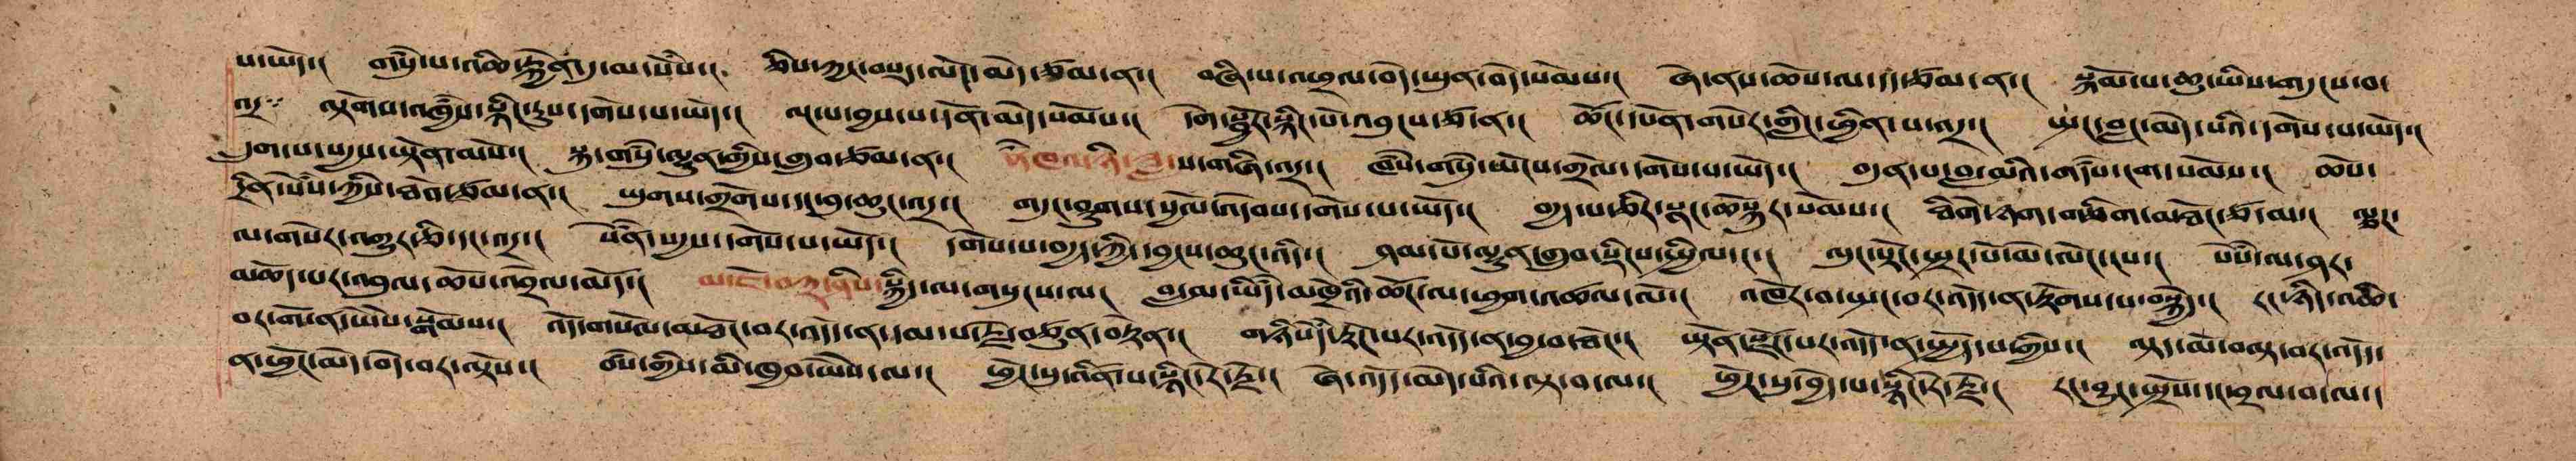པ་ཡོད། གསུམ་པ་འཆི་རྐྱེན་དུ་མ་སེམས། ཅིས་ཀྱང་བསྡ་ལོང་མེད་ཙམ་ན། བཞི་པ་འབྲལ་བདེ་ཡུན་བདེ་སེམས། ཞེ་ནས་ཆོས་ལ་དད་ཙམ་ན། སྐོམ་པ་ཆུ་ཡིས་གདུངས་བ
འདྲ༑། ལྟོགས་འཁྱམས་སྙིང་རུས་དགོས་པ་ཡོད། ལག་པ་བྱས་པ་དོན་མེད་སོམས། དགེ་སྦྱོར་སྙིང་པོ་འབུངས་ཙ་ན། ཚོང་དཔོན་གསེར་གླིང་ཕྱིན་པ་འདྲ། སྤང་བླང་མེད་པའི་དགོས་པ་ཡོད། 
དུུག་པ་སངས་རྒྱས་ཡོན་ཏན་མོས། སྐུ་གསུམ་ལྷུན་གྱིས་གྲུབ་ཙམ་ན། ནམ་མཁའ་ཉི་ཟླ་ས་གཞི་འདྲ། ཁམས་གསུམ་ཡོངས་གྲོལ་དགོས་པ་ཡོད། བདུན་པ་བླ་མའི་གདམས་ངག་སེམས། ཆོས་
དྲིན་སེམས་ཀྱིས་ཐོབ་ཙམ་ན། ཡུགས་གྲོགས་དང་བུ་ཆུང་འདྲ། གདུང་ཤུགས་གསོལ་འདེབས་དགོས་པ་ཡོད། བརྒྱད་པ་ཅིར་སྣང་ཆོས་སྐུར་སེམས། ཐིག་ལེ་ཉག་གཅིག་མཐོང་ཙ་མ། ལྕགས་
ལ་གསེར་འགྱུར་ཅི་དང་འདྲ། སེམས་ཅན་སངས་རྒྱས་དགོས་པ་ཡོད། དགོས་པ་བརྒྱད་ཀྱི་དབྱངས་ཆུང་འདི། ཤམ་པོ་ལྷུན་གྲུབ་སྡིངས་སྤྱིལ་ང་། ལུང་སྟོང་སྤྲང་པོ་མེ་ལོང་ངས། སེམས་ལ་ཤར་
མཆོད་པར་འབུལ་ཆོས་འབྲེལ་མཛོད། མ་ཇོ་བཀྲ་ཤིས་སྐྱིད་ལ་གསུངས་ལ། བླ་མ་ཡིད་དམ་མཁའ་འགྲོའི་ཚོགས་ལ་ཕྱག་འཚལ་ལོ། འཁོར་བ་སྤང་བར་འདོད་ན་རྟོགས་པ་བསྐྱེད། རང་ཉིད་འཆི་
བར་གོ་ན་ཡེ་ཤེས་སྒོམས། འོད་གསལ་མཐོང་བར་འདོད་ན་དམ་པ་རྗེ་བཙུན་བརྟེན། གཉིས་མེད་རྟོགས་པར་འདོད་ན་བྱ་བ་ཐོང་། ཡོན་ཏན་རྫོཊ་པར་འདོད་ན་སྤྱོད་པ་གྱིས། ལྟད་མོ་བལྟ་བར་འདོད་
ན་ཕྱོགས་མེད་བདེ་བར་ལྟོས། བསམ་གྱིས་མི་ཁྱབ་ཡེ་ཤེས་མ། ཕྱོགས་སུ་འཛིན་པ་སྙིང་རེ་རྗེ། ཞེ་འདོད་མེད་པའི་ལྟ་བ་ལ། ཕྱོགས་སུ་བྱེད་པ་སྙིང་རེ་རྗེ།། རང་བྱུང་སྤྲོས་དང་བྲལ་བ་ལ།།